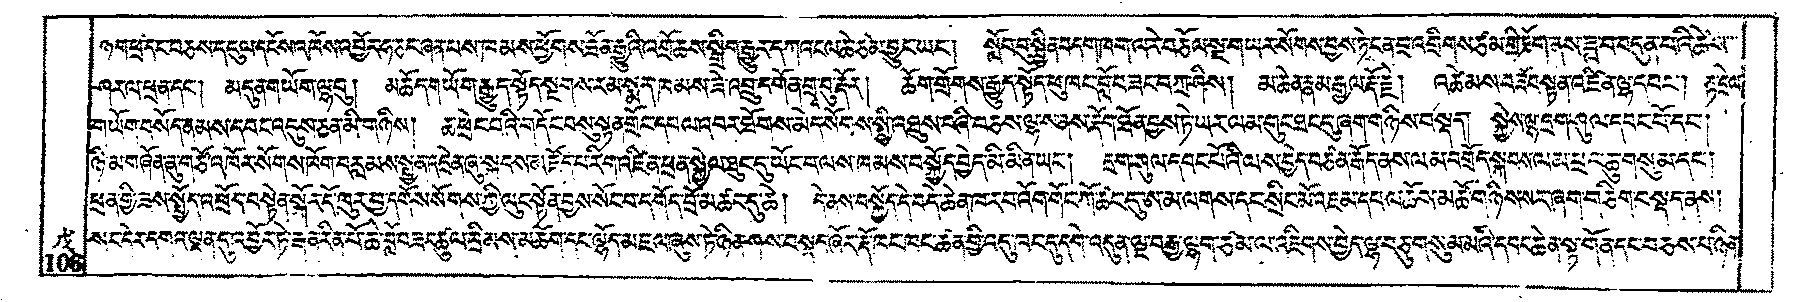ཉག་ཕྲ་དང་བཅས་དངུལ་དངོས་འཁོས་འབྱོར་ཧ་ཅང་ཞན་པས་ཁམས་ཕྱོགས་ཐོན་རྒྱུའི་འགྲོ་ཆས་སྒྲིག་རྒྱུར་དཀའ་ངལ་ཆེ་ཙམ་བྱུང་ཡང་། སློབ་བུ་སྦྱིན་བདག་ཁག་ལ་རེ་བཅོལ་སྔ་གཡར་སོགས་བྱས་ཏེ་ངན་གྲ་འགྲིགས་ཙམ་གྱི་ཐོག་ནས་ཟླ་བ་བདུན་པའི་ཚེས་
ཤར་ལ་ཕྲན་དང་། མདུན་གཡོག་ལྷ་བུ། མཆོད་གཡོག་རྒྱུད་སྟོད་སྔགས་རམ་སྨར་ཁམས་ཟེ་འབྲུ་དགོན་གྲྭ་བུ་རྡོར། ཆོག་གྲོགས་རྒྱུད་སྟོད་ཕུ་ཁང་བློ་བཟང་བཀྲ་ཤིས། མ་ཆེན་རྣམ་རྒྱལ་རྡོ་རྗེ། འཚེམས་བཟོ་བསྟན་འཛིན་ལྷ་དབང་། རྟ་དྲེལ་
གཡོག་བསོད་ནམས་དབང་འདུས་ཅན་མི་གཉིས། ཆ་ཕྲེང་བའི་གདོང་བསུ་སྟན་གྲོང་དཔལ་འབར་ཐོགས་མེད་སོགས་སྤྱི་འཐུས་བཞི་བཅས་ལྷ་ས་ནས་རྡོག་ཐོན་བྱས་ཏེ་ཡར་ལམ་གུང་ཐང་དུ་ཞག་གཉིས་བསྡད། སྐྱེས་ལྷ་དྲག་ཤུལ་དབང་པོ་དང་།
ཉི་མ་གཞོན་ནུ་གཙོ་འཁོར་སོགས་ཁོག་བརླམས་སྤྱན་འདྲེན་ཞུ་སྐབས་མཛོད་པ་རིག་འཛིན་ཕྲན་སྐྱེལ་ཐུང་དུ་ཡོང་བ་ལས་ཁམས་བསྐྱོད་བྱེད་མི་མིན་ཡང་། དྲག་ཤུལ་དབང་པོའི་ལས་བྱེད་བཙན་རྒོད་ནས་ལམ་བགྲོད་སྐབས་ལམ་ཕྲང་ཆུ་གསུམ་དང་།
ཕྲན་གྱི་ཟས་སྤྱོད་འཕྲོད་བསྟེན་སྐོར་དོ་ཁུར་བྱ་དགོས་སོགས་ཀྱི་ལུང་སྟོན་བྱས་སོང་བ་དགོད་བྲོ་མཚང་དུ་ཆེ། དེ་ནས་བསྐྱོད་དེ་བདེ་ཆེན་ཁ་རབ་འོག་གོང་ཀོ་ཚང་དུ་ཨ་མ་ལགས་དང་སྲིང་མོ་འཇམ་དཔལ་ཆོས་མཚོ་གཉིས་སར་ཞག་གཅིག་བསྡད་ནས།
སང་དེར་དགའ་ལྡན་དུ་འབྱོར་ཏེ་རྒན་རིན་པོ་ཆེ་བློ་བཟང་ཚུལ་ཁྲིམས་མཆོག་དང་ལྷོད་མཇལ་ཞུས་ཏེ་ཉིན་ཤས་བསྡད་ཞོར་རྡོ་ཁང་ཁང་ཚན་གྱི་འདུ་ཁང་དུ་དགེ་འདུན་ལྔ་བརྒྱ་ལྷག་ཙམ་ལ་འཇིགས་བྱེད་ལྷ་བཅུ་གསུམ་མའི་དབང་ཆེན་སྟ་གོན་དང་བཅས་པ་ཉིན་